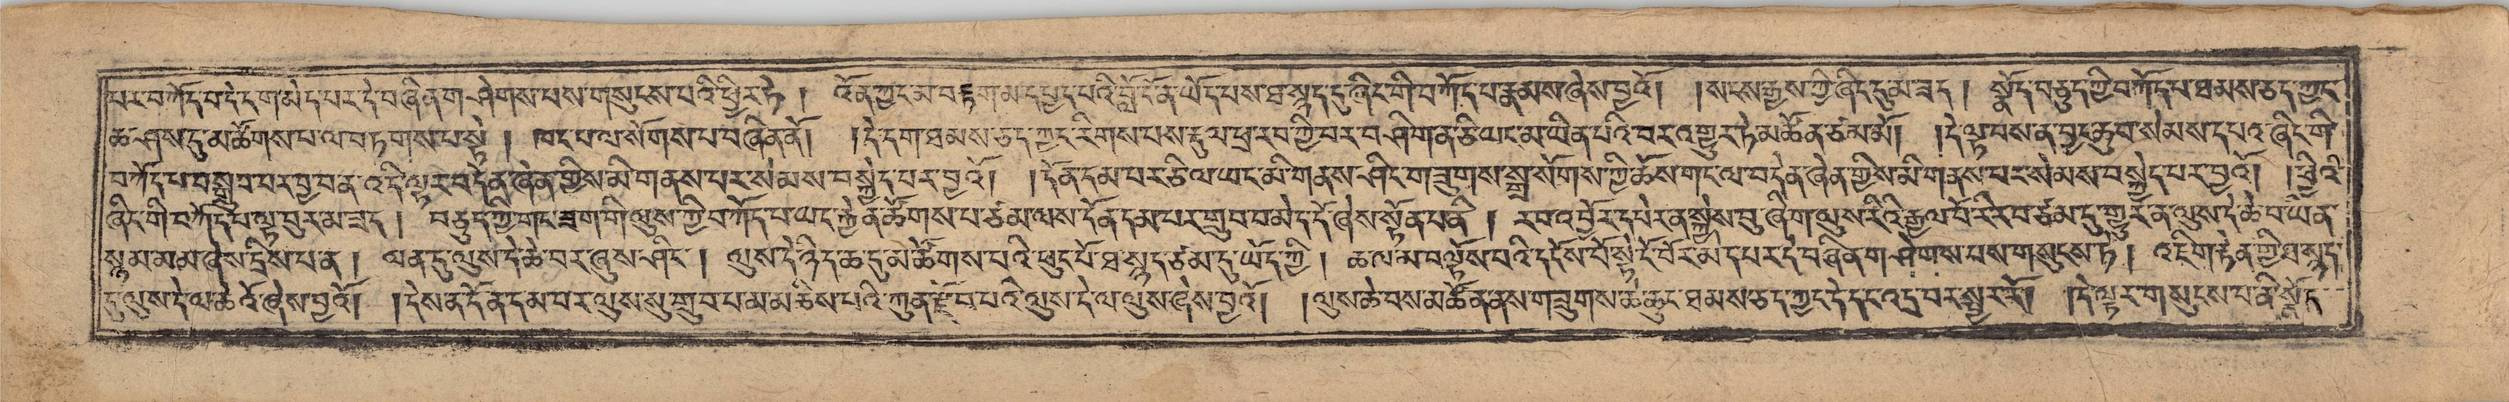པར་བཀོད་པ་དེ་དག་མེད་པར་དེ་བཞིན་གཤེགས་པས་གསུངས་པའི་ཕྱིར་ཏེ། འོན་ཀྱང་མ་བརྟག་མ་དཔྱད་པའི་བློ་ངོ་ན་ཡོད་པས་ཐ་སྙད་དུ་ཞིང་གི་བཀོད་པ་རྣམས་ཞེས་བྱའོ། །སངས་རྒྱས་ཀྱི་ཞིང་དུ་མ་ཟད། སྣོད་བཅུད་ཀྱི་བཀོད་པ་ཐམས་ཅད་ཀྱང་
ཆ་ཤས་དུ་མ་ཚོགས་པ་ལ་བཏགས་པ་སྟེ། ཁང་པ་ལ་སོགས་པ་བཞིན་ནོ། །དེ་དག་ཐམས་ཅད་ཀྱང་རིགས་པས་རྡུལ་ཕྲ་རབ་ཀྱི་བར་བཤིག་ན་ཅི་ཡང་མ་ཡིན་པའི་བར་འགྱུར་ཏེ་མཚོན་ཙམ་མོ། །དེ་ལྟ་བས་ན་བྱང་ཆུབ་སེམས་དཔའ་ཞིང་གི་
བཀོད་པ་བསྒྲུབ་པར་བྱ་བ་ན་འདི་ལྟར་བདེན་ཞེན་གྱིས་མི་གནས་པར་སེམས་བསྐྱེད་པར་བྱའོ། །དོན་དམ་པར་ཅི་ལ་ཡང་མི་གནས་ཤིང་གཟུགས་སྒྲ་སོགས་ཀྱི་ཆོས་གང་ལ་བདེན་ཞེན་གྱིས་མི་གནས་པར་སེམས་བསྐྱེད་པར་བྱའོ། །ཕྱིའི་
ཞིང་གི་བཀོད་པ་ལྟ་བུར་མ་ཟད། བཅུད་ཀྱི་གང་ཟག་གི་ལུས་ཀྱི་བཀོད་པ་ཡང་རྐྱེན་ཚོགས་པ་ཙམ་ལས་དོན་དམ་པར་གྲུབ་པ་མེད་དོ་ཞེས་སྟོན་པ་ནི། །རབ་འབྱོར་དཔེར་ན་སྐྱེས་བུ་ཞིག་ལུས་རིའི་རྒྱལ་པོ་རི་རབ་ཙམ་དུ་གྱུར་ན་ལུས་དེ་ཆེ་བ་ཡིན་
སྙམ་མམ་ཞེས་དྲིས་པ་ན། ལན་དུ་ལུས་དེ་ཆེ་བར་ཞུས་ཤིང་། ལུས་དེ་ཉིད་ཆ་དུ་མ་ཚོགས་པའི་ཕུང་པོ་ཐ་སྙད་ཙམ་དུ་ཡོད་ཀྱི། ཆ་ལ་མ་བལྟོས་པའི་དངོས་པོ་སྟེ་ངོ་བོར་མེད་པར་དེ་བཞིན་གཤེགས་པས་གསུངས་ཏེ། འཇིག་རྟེན་གྱི་ཐ་སྙད་
དུ་ལུས་དེ་ལ་ཆེའོ་ཞེས་བྱའོ། །དེས་ན་དོན་དམ་པར་ལུས་སུ་གྲུབ་པ་མ་མཆིས་པའི་ཀུན་རྫོབ་པའི་ལུས་དེ་ལ་ལུས་ཞེས་བྱའོ། །ལུས་ཆེ་བས་མཚོན་ནས་གཟུགས་ཆེ་ཆུང་ཐམས་ཅད་ཀྱང་དེ་དང་འདྲ་བར་སྦྱར་རོ། །དེ་ལྟར་གསུངས་པ་ནི་སྣོད་